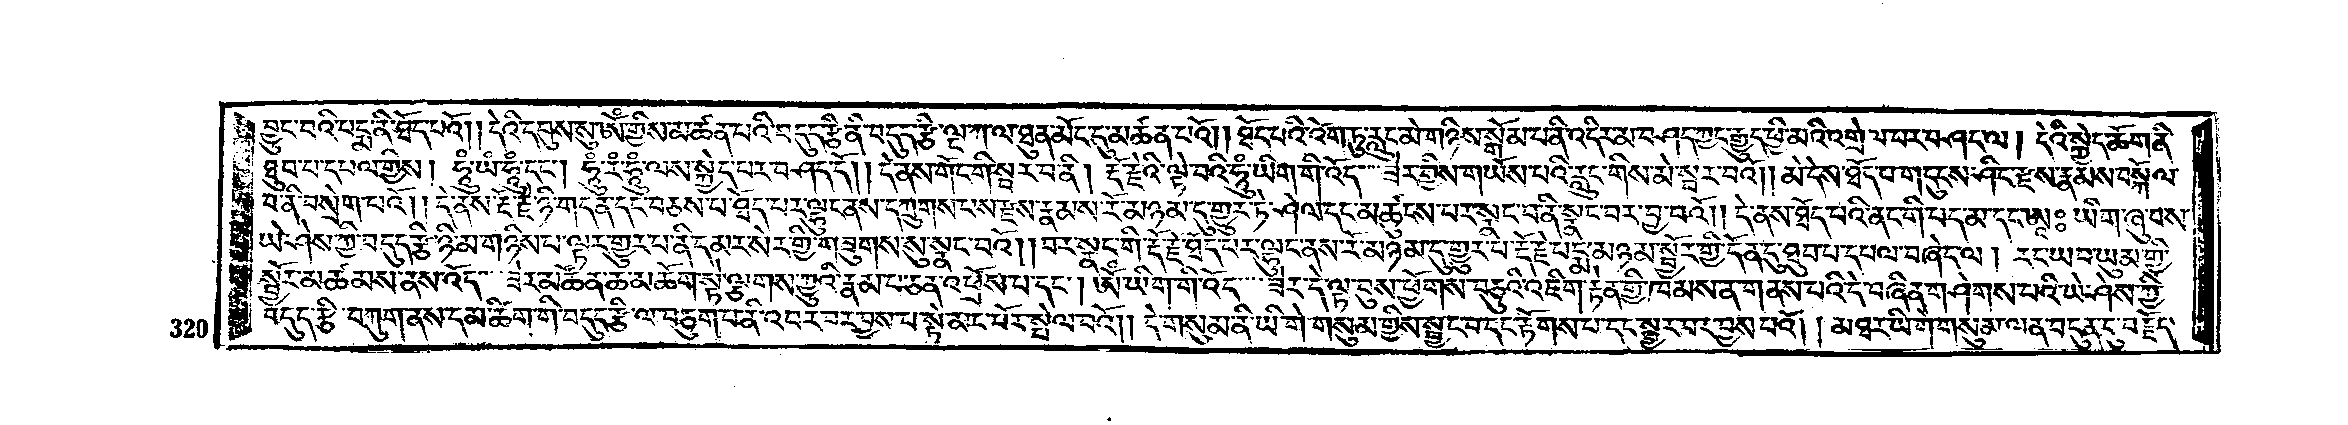བྱུང་བའི་པདམ་ནི་ཐོད་པའོ། །དེའི་དབུས་སུ་ཨོཾ་གྱིས་མཚན་པའི་བདུད་རྩི་ནི་བདུད་རྩི་ལྔ་ཀ་ལ་ཐུན་མོང་དུ་མཚན་པའོ། །ཐོད་པའི་འོག་ཏུ་རླུང་མེ་གཉིས་སྒོམ་པ་ནི་འདིར་མ་བཤད་ཀྱང་རྒྱུད་ཕྱི་མའི་འགྲེལ་པར་བཤད་ལ། དེའི་སྐྱེད་ཆོག་ནི་
ཐུབ་པ་དཔལ་གྱིས། ཧཱུཾ་ཡཾ་ཧཱུཾ་དང་། ཧཱུཾ་རཾ་ཧཱུཾ་ལས་སྐྱེད་པར་བཤད་དོ། །དེ་ནས་གོང་གི་སྦར་བ་ནི། རྡོ་རྗེའི་ལྟེ་བའི་ཧཱུཾ་ཡིག་གི་འོད་ཟེར་གྱིས་གཡོས་པའི་རླུང་གིས་མེ་སྦར་བའོ། །མེ་དེས་ཐོད་པ་གདུངས་ཤིང་རྫས་རྣམས་བསྐོལ་
བ་ནི་བསྲེག་པའོ། །དེ་ནས་རྡོ་རྗེ་ཉི་གདན་དང་བཅས་པ་ཐོད་པར་ལྷུང་ནས་དཀྲུགས་པས་རྫས་རྣམས་རོ་མཉམ་དུ་གྱུར་ཏེ་ཤེལ་དང་མཚུངས་པར་སྣང་བ་ནི་སྣང་བར་བྱ་བའོ། །དེ་ནས་ཐོད་པའི་ནང་གི་པད་མ་དང་ཨཱཿ ཡིག་ཞུ་བས་
ཡེ་ཤེས་ཀྱི་བདུད་རྩི་ཉི་མ་གཉིས་པ་ལྟར་གྱུར་པ་ནི་དམར་སེར་གྱི་གཟུགས་སུ་སྣང་བའོ། །བར་སྣང་གི་རྡོ་རྗེ་ཐོད་པར་ལྷུང་ནས་རོ་མཉམ་དུ་གྱུར་པ་རྡོ་རྗེ་པདམ་མཉམ་སྦྱོར་གྱི་དོན་དུ་ཐུབ་པ་དཔལ་བཞེད་ལ། རང་ཡབ་ཡུམ་གྱི་
སྦྱོར་མཚམས་ནས་འོད་ཟེར་མཚོན་ཆ་མཆོག་སྟེ་ལྕགས་ཀྱུའི་རྣམ་པ་ཅན་འཕྲོས་པ་དང་། ཨོཾ་ཡིག་གི་འོད་ཟེར་དེ་ལྟ་བུས་ཕྱོགས་བཅུའི་འཇིག་རྟེན་གྱི་ཁམས་ན་གནས་པའི་དེ་བཞིན་གཤེགས་པའི་ཡེ་ཤེས་ཀྱི་
བདུད་རྩི་བཀུག་ནས་དམ་ཚིག་གི་བདུད་རྩི་ལ་བཅུག་པ་ནི་འབར་བར་བྱས་པ་སྟེ་མང་པོར་སྤེལ་བའོ། །དེ་གསུམ་ནི་ཡི་གེ་གསུམ་གྱིས་སྦྱང་བ་དང་རྟོགས་པ་དང་སྦར་བར་བྱས་པའོ། །མཐར་ཡི་གེ་གསུམ་ལན་བདུན་དུ་བརྗོད་